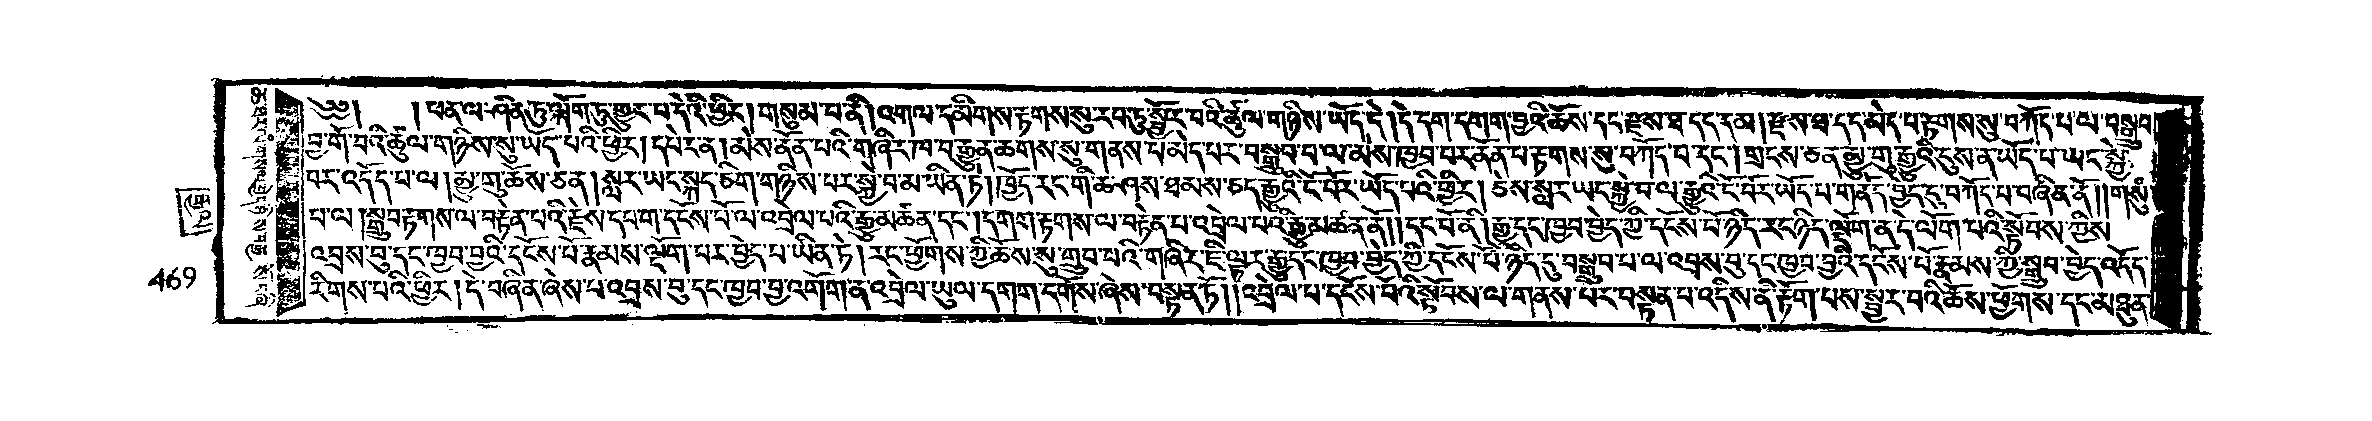༄༅། །ཕན་ལ་ཤིན་ཏུ་ལྐོག་ཏུ་གྱུར་པ་དེའི་ཕྱིར། གསུམ་པ་ནི། འགལ་དམིགས་རྟགས་སུ་རབ་ཏུ་སྦྱོར་བའི་ཚུལ་གཉིས་ཡོད་དེ། དེ་དག་དགག་བྱའི་ཆོས་དང་རྫས་ཐ་དད་དམ། རྫས་ཐ་དད་མེད་པ་རྟགས་སུ་བཀོད་པ་ལ་བསྒྲུབ་
བྱ་གོ་བའི་ཚུལ་གཉིས་སུ་ཡོད་པའི་ཕྱིར། དཔེར་ན། མེས་ནོན་པའི་གཞིར་ཁ་བ་རྒྱུན་ཆགས་སུ་གནས་པ་མེད་པར་བསྒྲུབ་པ་ལ་མེས་ཁྱབ་པར་ནོན་པ་རྟགས་སུ་བཀོད་པ་དང་། གྲངས་ཅན་མྱུ་གུ་རྒྱུའི་དུས་ན་ཡོད་པ་ཡང་སྐྱེ་
བར་འདོད་པ་ལ། མྱུ་གུ་ཆོས་ཅན། སླར་ཡང་སྐད་ཅིག་གཉིས་པར་སྐྱེ་བ་མ་ཡིན་ཏེ། ཁྱོད་རང་གི་ཆ་ཤས་ཐམས་ཅད་རྒྱུའི་ངོ་བོར་ཡོད་པའི་ཕྱིར། ཅེས་སླར་ཡང་སྐྱེ་བ་ལ་རྒྱུའི་ངོ་བོར་ཡོད་པ་གནོད་བྱེད་དུ་བཀོད་པ་བཞིན་ནོ། །གསུམ་
པ་ལ་།སྒྲུབ་རྟགས་ལ་བརྟེན་པའི་རྗེས་དཔག་དངོས་པོ་ལ་འབྲེལ་པའི་རྒྱུ་མཚན་དང་།དགག་རྟགས་ལ་བརྟེན་པ་འབྲེལ་པའི་རྒྱུ་མཚན་ནོ། །དང་པོ་ནི། རྒྱུ་དང་ཁྱབ་བྱེད་ཀྱི་དངོས་པོ་ཉིད་རང་ཉིད་ལྡོག་ན་དེ་ལོག་པའི་སྟོབས་ཀྱིས་
འབྲས་བུ་དང་ཁྱབ་བྱའི་དངོས་པོ་རྣམས་ལྡོག་པར་བྱེད་པ་ཡིན་ཏེ། རང་ཕྱོགས་ཀྱི་ཆོས་སུ་གྲུབ་པའི་གཞིར་ཇི་ལྟར་རྒྱུ་དང་ཁྱབ་བྱེད་ཀྱི་དངོས་པོ་ཉིད་དུ་བསྒྲུབ་པ་ལ་འབྲས་བུ་དང་ཁྱབ་བྱའི་དངོས་པོ་རྣམས་ཀྱི་སྒྲུབ་བྱེད་འདོད་
རིགས་པའི་ཕྱིར། དེ་བཞིན་ཞེས་པ་འབྲས་བུ་དང་ཁྱབ་བྱ་འགོག་ན་འབྲེལ་ཡུལ་དགག་དགོས་ཞེས་བསྟན་ཏོ། །འབྲེལ་པ་དངོས་པོའི་སྟོབས་ལ་གནས་པར་བསྟན་པ་འདིས་ནི་རྟོག་པས་སྦྱར་བའི་ཆོས་ཕྱོགས་དང་མཐུན་